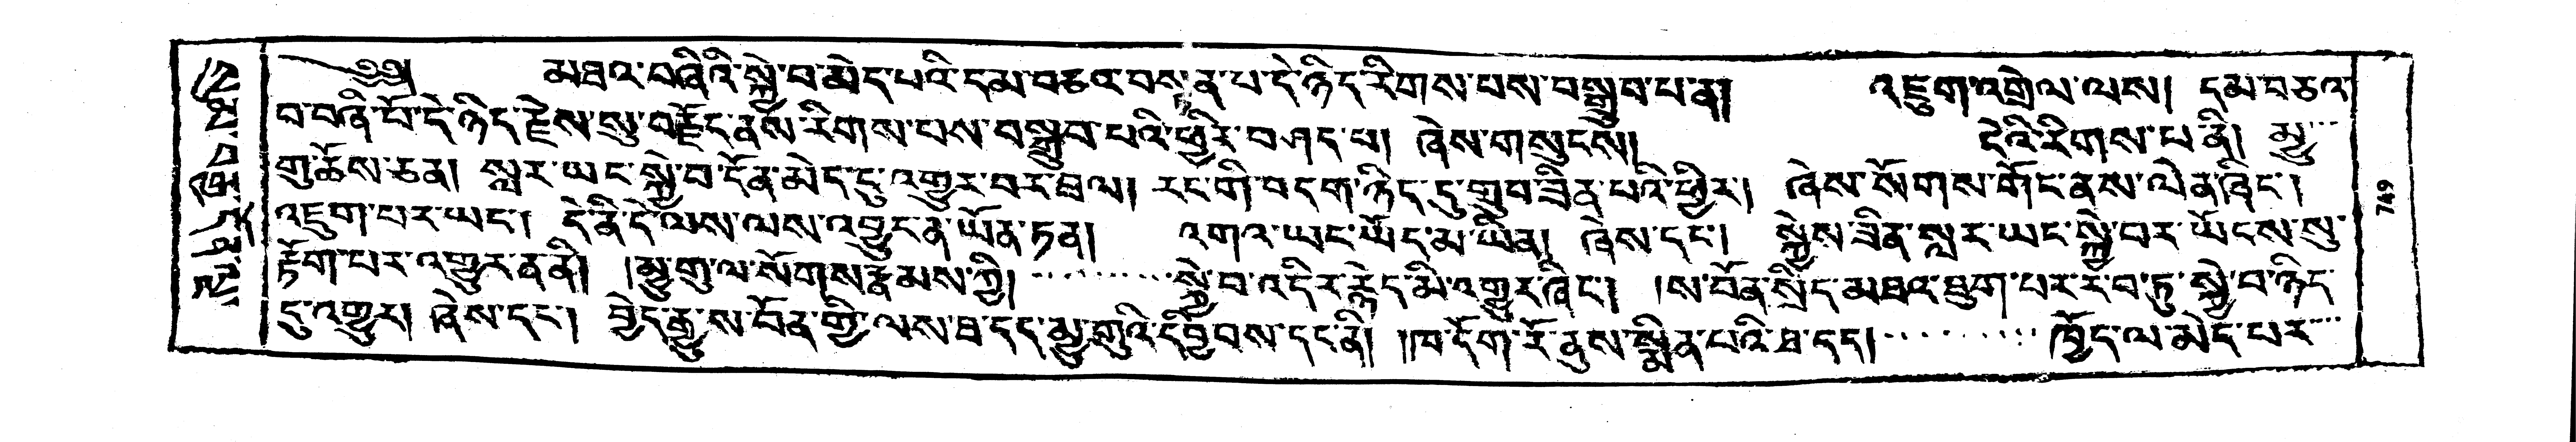༄༅། །མཐའ་བཞིའི་སྐྱེ་བ་མེད་པའི་དམ་བཅའ་བསྟན་པ་དེ་ཉིད་རིགས་པས་བསྒྲུབ་པ་ན། འཇུག་འགྲེལ་ལས། དམ་བཅའ་
བ་བཞི་པོ་དེ་ཉིད་རྗེས་སུ་བརྗོད་ནས་རིགས་པས་བསྒྲུབ་པའི་ཕྱིར་བཤད་པ། ཞེས་གསུངས། དེའི་རིགས་པ་ནི། མྱུ་
གུ་ཆོས་ཅན། སླར་ཡང་སྐྱེ་བ་དོན་མེད་དུ་འགྱུར་བར་ཐལ། རང་གི་བདག་ཉིད་དུ་གྲུབ་ཟིན་པའི་ཕྱིར། ཞེས་སོགས་གོང་ནས་ལེན་ཞིང་།
འཇུག་པར་ཡང་། དེ་ནི་དེ་ལས་ལས་འབྱུང་ན་ཡོན་ཏན། འགའ་ཡང་ཡོད་མ་ཡིན། ཞེས་དང་། སྐྱེས་ཟིན་སླར་ཡང་སྐྱེ་བར་ཡོངས་སུ་
རྟོག་པར་འགྱུར་ན་ནི། །མྱུ་གུ་ལ་སོགས་རྣམས་ཀྱི། སྐྱེ་བ་འདིར་རྙེད་མི་འགྱུར་ཞིང་། །ས་བོན་སྲིད་མཐའ་ཐུག་པར་རབ་ཏུ་སྐྱེ་བ་ཉིད་
དུ་འགྱུར། ཞེས་དང་། བྱེད་རྒྱུ་ས་བོན་གྱི་ལས་ཐ་དད་མྱུ་གུའི་དབྱིབས་དང་ནི། །ཁ་དོག་རོ་ནུས་སྨིན་པའི་ཐ་དད། ཁྱོད་ལ་མེད་པར་